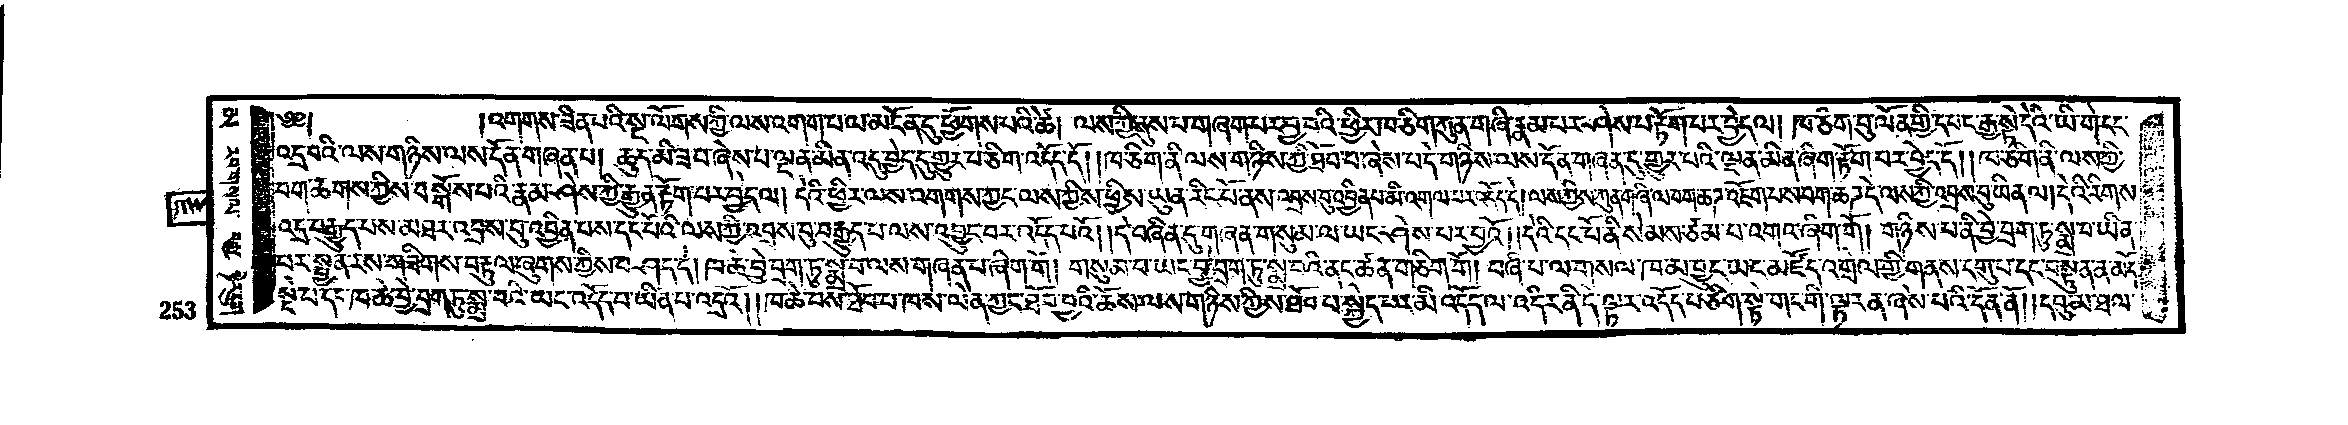༄༅། །འགགས་ཟིན་པའི་སྔ་ལོགས་ཀྱི་ལས་འགག་པ་ལ་མངོན་དུ་ཕྱོགས་པའི་ཚེ། ལས་ཀྱི་ནུས་པ་གཞག་པར་བྱ་བའི་ཕྱིར་ཁ་ཅིག་ཀུན་གཞི་རྣམ་པར་ཤེས་པ་རྟོག་པར་བྱེད་ལ། ཁ་ཅིག་བུ་ལོན་གྱི་དབང་རྒྱ་སྟེ་དེའི་ཡི་གེ་དང་
འདྲ་བའི་ལས་གཉིས་ལས་དོན་གཞན་པ། ཆུད་མི་ཟ་བ་ཞེས་པ་ལྡན་མིན་འདུ་བྱེད་དུ་གྱུར་པ་ཞིག་འདོད་དོ། །ཁ་ཅིག་ནི་ལས་གཉིས་ཀྱི་ཐོབ་པ་ཞེས་པ་དེ་གཉིས་ལས་དོན་གཞན་དུ་གྱུར་པའི་ལྡན་མིན་ཞིག་རྟོག་པར་བྱེད་དོ། །ཁ་ཅིག་ནི་ལས་ཀྱི་
བག་ཆགས་ཀྱིས་བསྒོས་པའི་རྣམ་ཤེས་ཀྱི་རྒྱུན་རྟོག་པར་བྱེད་ལ། དེའི་ཕྱིར་ལས་འགགས་ཀྱང་ལས་ཀྱིས་ཕྱིས་ཡུན་རིང་པོ་ནས་འབྲས་བུ་འབྱིན་པ་མི་འགལ་པར་འདོད་དེ། ལས་ཀྱིས་ཀུན་གཞི་ལ་བག་ཆགས་འཇིག་པས་བག་ཆགས་དེ་ལས་ཀྱི་འབྲས་བུ་ཡིན་ལ། དེའི་རིགས་
འདྲ་བརྒྱུད་པས་མཐར་འབྲས་བུ་འབྱིན་པས་དང་པོའི་ལས་ཀྱི་འབྲས་བུ་བརྒྱུད་པ་ལས་འབྱུང་བར་འདོད་པའོ། །དེ་བཞིན་དུ་གཞན་གསུམ་ལ་ཡང་ཤེས་པར་བྱའོ། །དེའི་དང་པོ་ནི་སེམས་ཙམ་པ་འགའ་ཞིག་གོ །གཉིས་པ་ནི་བྱེ་བྲག་ཏུ་སྨྲ་བ་ཡིན་
པར་སྤྱན་རས་གཟིགས་བརྟུལ་ཞུགས་ཀྱིས་བཤད་དེ། ཁ་ཆེ་བྱེ་བྲག་ཏུ་སྨྲ་བ་ལས་གཞན་པ་ཞིག་གོ །གསུམ་པ་ཡང་བྱེ་བྲག་ཏུ་སྨྲ་བའི་ནང་ཚན་གཅིག་གོ །བཞི་པ་ལ་གསལ་ཁ་མ་བྱུང་ཡང་མཛོད་འགྲེལ་གྱི་གནས་དགུ་པ་དང་བསྟུན་ན་མདོ་
སྡེ་པ་དང་ཁ་ཆེ་བྱེ་བྲག་ཏུ་སྨྲ་བའི་ཡང་འདོད་པ་ཡིན་པ་འདྲའོ། །ཁ་ཆེ་བས་ཐོབ་པ་ཁས་ལེན་ཀྱང་ཐོབ་བྱའི་ཆོས་ལས་གཉིས་ཀྱིས་ཐོབ་པ་སྐྱེད་པར་མི་འདོད་ལ་འདིར་ནི་དེ་ལྟར་འདོད་པ་ཅིག་སྟེ་གང་གི་ལྟར་ན་ཞེས་པའི་དོན་ནོ། །དབུ་མ་ཐལ་